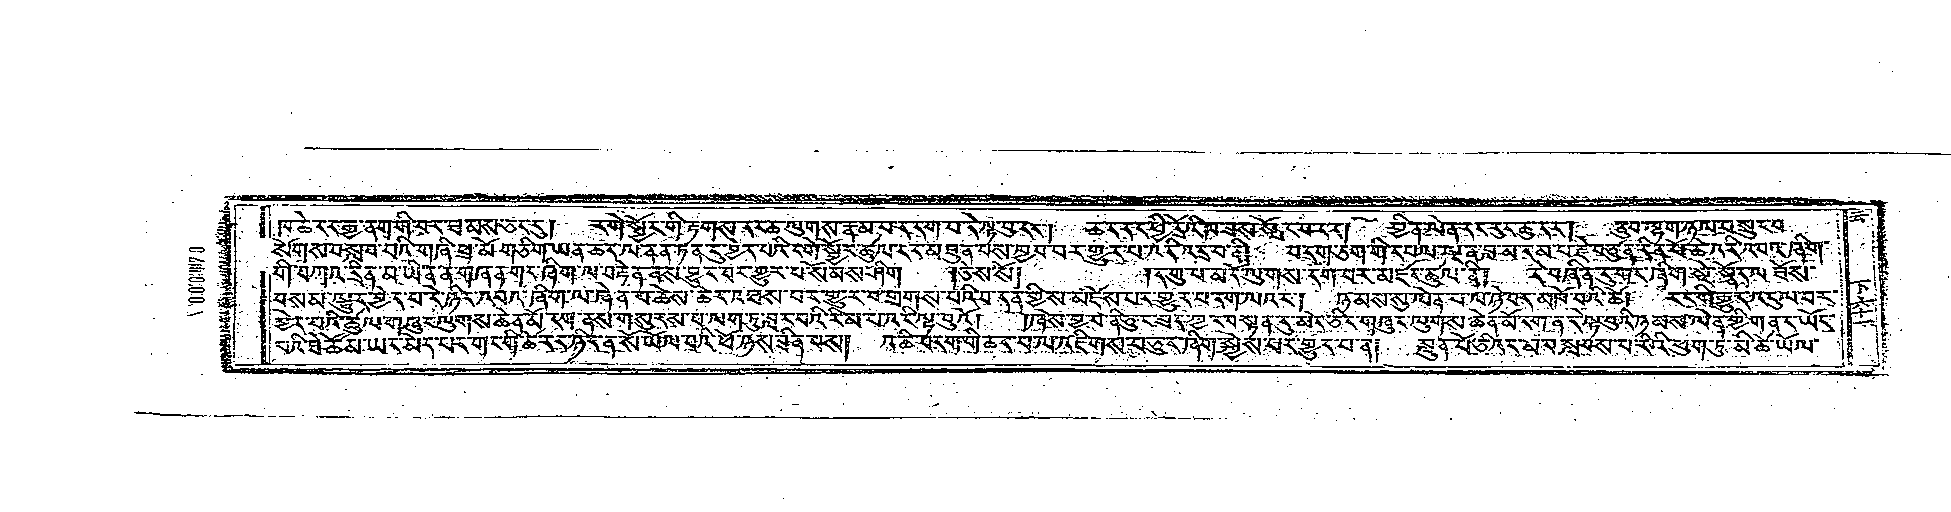ཁ་ཆེ་དང་རྒྱ་ནག་གི་བར་ཐམས་ཅད་དུ། དགེ་སྦྱོང་གི་རྟགས་དང་ཆ་ལུགས་རྣམ་པར་དག་པ་དེ་ལྟ་བུ་དང་། ཆད་དང་ཕྱི་དྲོའི་ཁ་ཟས་སྤོང་བ་དང་། བྱིན་ལེན་དང་རུང་ཆུ་དང་། ནུབ་ལྷག་ཉལ་བསྲུང་བ་
སོགས་བསླབ་པའི་གཞི་ཕྲ་མོ་གཅིག་ཡན་ཆད་ལ་ནན་ཏན་དུ་བྱེད་པའི་དགེ་སྦྱོན་ཚུལ་ངང་མཐུན་པས་ཁྱབ་པར་གྱུར་པ་འདི་འདྲ་བ་ནི། བདག་ཅག་གི་དཔལ་ལྡན་བླ་མ་དམ་པ་རྗེ་བཙུན་རིན་པོ་ཆེ་འདི་འབའ་ཞིག་
གི་བཀའ་དྲིན་མ་ཡིན་ན་གཞན་གང་ཞིག་ལ་བརྟེན་ནས་བྱུང་བར་གྱུར་པ་སོམས་ཤིག །ཅེས་སོ། །དགུ་པ་མདོ་ལུགས་དག་པར་མཛད་ཚུལ་ནི། དེ་བཞིན་དུ་གང་ཞིག་སྡེ་སྣོད་ལ་ཐོས་
བསམ་ལྷུར་བྱེད་པ་དེ་ཉིད་འབའ་ཞིག་ལ་ཞེན་པ་ཆེས་ཆེར་འཐས་བར་གྱུར་བ་གྲགས་པའི་བ་དན་གྱིས་མཛེས་པར་གྱུར་པ་དག་ལའང་། ཉམས་སུ་ལེན་པ་ལ་ཉེ་བར་མཁོ་བའི་ཚེ། རང་གི་རྒྱུད་འདུལ་བར་
བྱེད་པའི་ཚུལ་གཞུང་ལུགས་ཆེན་མོ་དག་ནས་གསུངས་པ་ལག་ཏུ་བླང་བའི་རིམ་པ་འདི་ལྟ་བུའོ། །ཞེས་བྱ་བ་ནི་ཅུང་ཟད་ཀྱང་བསྟན་དུ་མེད་ཅིང་གཞུང་ལུགས་ཆེན་མོ་དག་ན་དེ་ལྟ་བུའི་ཉམས་ལེན་གྱི་གནང་ཡོད་
པའི་ཐེ་ཚོམ་ཡང་མེད་པར་གང་གི་ཚེ་རང་ཉིད་ན་སོ་ཡོལ་བའི་ཕོ་ཉས་ཟིན་པས། འཆི་བདག་གི་ཆང་པ་ལ་འཇིགས་པ་ཅུང་ཞིག་སྐྱེས་པར་གྱུར་པ་ན། བླུན་པོ་ཅིའང་མ་བསླབས་པ་རིའི་ཕུག་ཏུ་མི་ཚེ་ཡོལ་